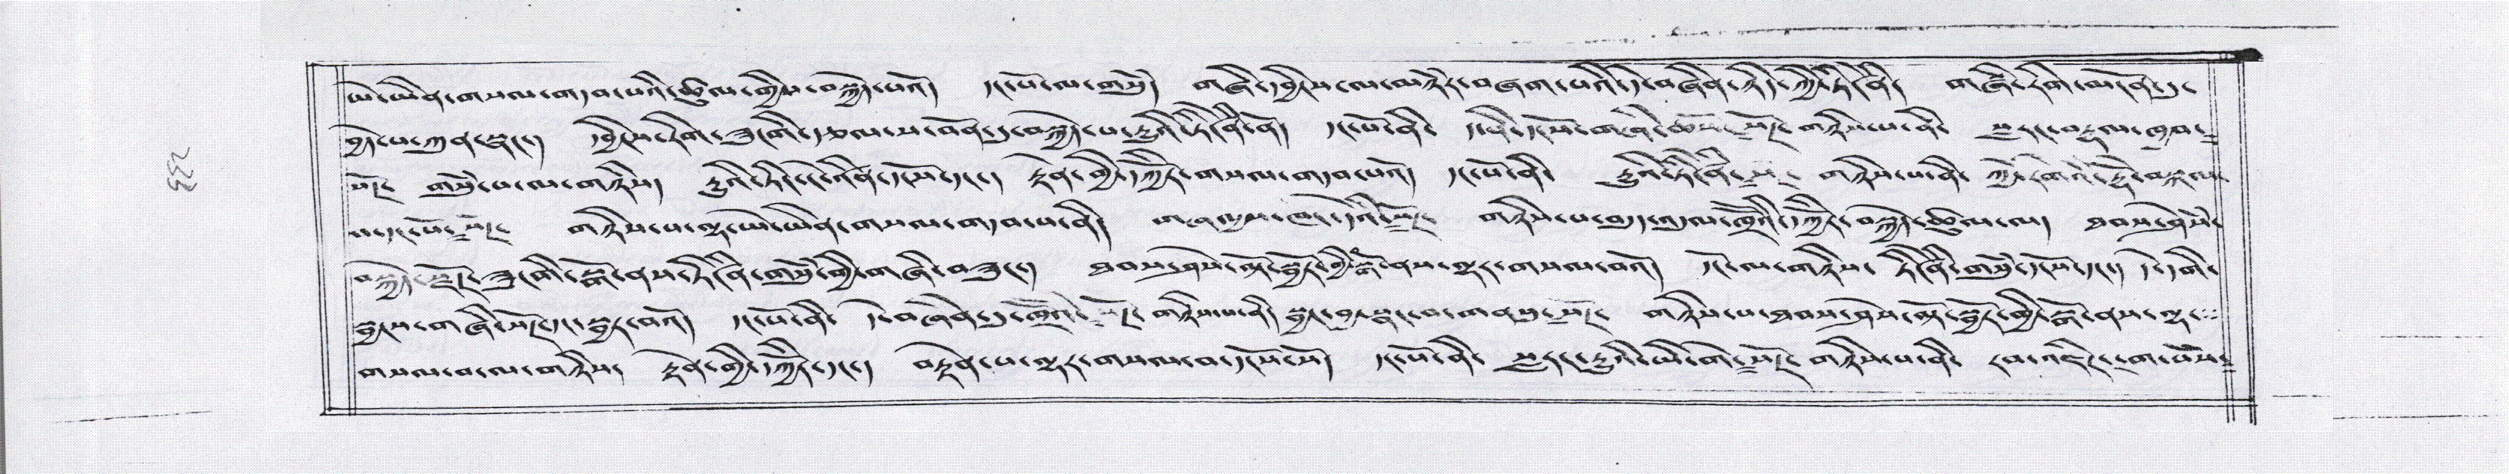ཡེ་ཡིན་གསལ་གདབ་པའི་ཚུལ་གྱིས་བསྐྱེད་པའོ། དང་པོ་ལ་གསུམ། གཞི་དབྱིངས་ལ་མཉམ་པར་བཞག་པའི་དེ་བཞིན་ཉིད་ཀྱི་ཏིང་འཛིན། གཞི་རིག་མངོན་དུ་
བྱེད་པ་ཀུན་སྣང། དབྱིངས་རིག་ཟུང་འཇུག་གི་རྩལ་ས་བོན་དུ་བསྐྱེད་པ་རྒྱུའི་ཏིང་འཛིན་ནོ། དང་པོ་ནི། ད་ནི་དངོས་གཞི་ཆོས་སོགས། གཉིས་པ་ནི། སླར་ཡང་བརྡལ་ཁྱབ་
སོགས། གསུམ་པ་ལ་གཉིས། རྒྱུའི་ཏིང་ངེ་འཛིན་དངོས་དང། རྟེན་གྱི་དཀྱིལ་འཁོར་གསལ་གདབ་པའོ། དང་པོ་ནི། རྒྱུའི་ཏིང་ངེ་འཛིན་སོགས། གཉིས་པ་ནི། ཀྱེ་རིག་པའི་རྡོ་རྗེ་བསྐལ་
བ་དང་པོ་སོགས། གཉིས་པ་ལྷ་ཡེ་ཡིན་གསལ་གདབ་པ་ནི། གཞལ་ཡས་ཁང་དེའི་སོགས། གཉིས་པ་བདུད་འདུལ་ཁྲོ་བོའི་དཀྱིལ་འཁོར་བསྐྱེད་ཚུལ་ལ། ཐབས་ཤེས་སམ་
བསྐྱེད་རྫོགས་ཟུང་འཇུག་གི་སྒོ་ནས་ཏིང་ངེ་འཛིན་གསུམ་གྱི་གཞི་བཟུང། ཐབས་ཤེས་ལྟོ་སྦྱོར་གྱི་སྒོ་ནས་ལྷར་གསལ་བའོ། དང་པོ་ལ་གཉིས། ཏིང་ངེ་འཛིན་གསུམ་དངོས་དང། དེ་དག་གི་
སྦྱངས་གཞི་སོགས་དང་སྦྱར་བའོ། དང་པོ་ནི། དེ་བཞིན་དུ་ཁྲོ་བོའི་སོགས། གཉིས་པ་ནི། སྦྱང་བྱ་སྣང་བ་གནས་སུ་སོགས། གཉིས་པ་ཐབས་ཤེས་ལྟོ་སྦྱོར་གྱི་སྒོ་ནས་ལྷ་
གསལ་བ་ལ་གཉིས། རྟེན་གྱི་དཀྱིལ་འཁོར་དང། བརྟེན་པ་ལྷར་གསལ་བ་དངོས་སོ། དང་པོ་ནི། སླར་ཡང་རྒྱུའི་ཡི་གེ་སོགས། གཉིས་པ་ནི། རབ་འཇིགས་དྲག་པོས་